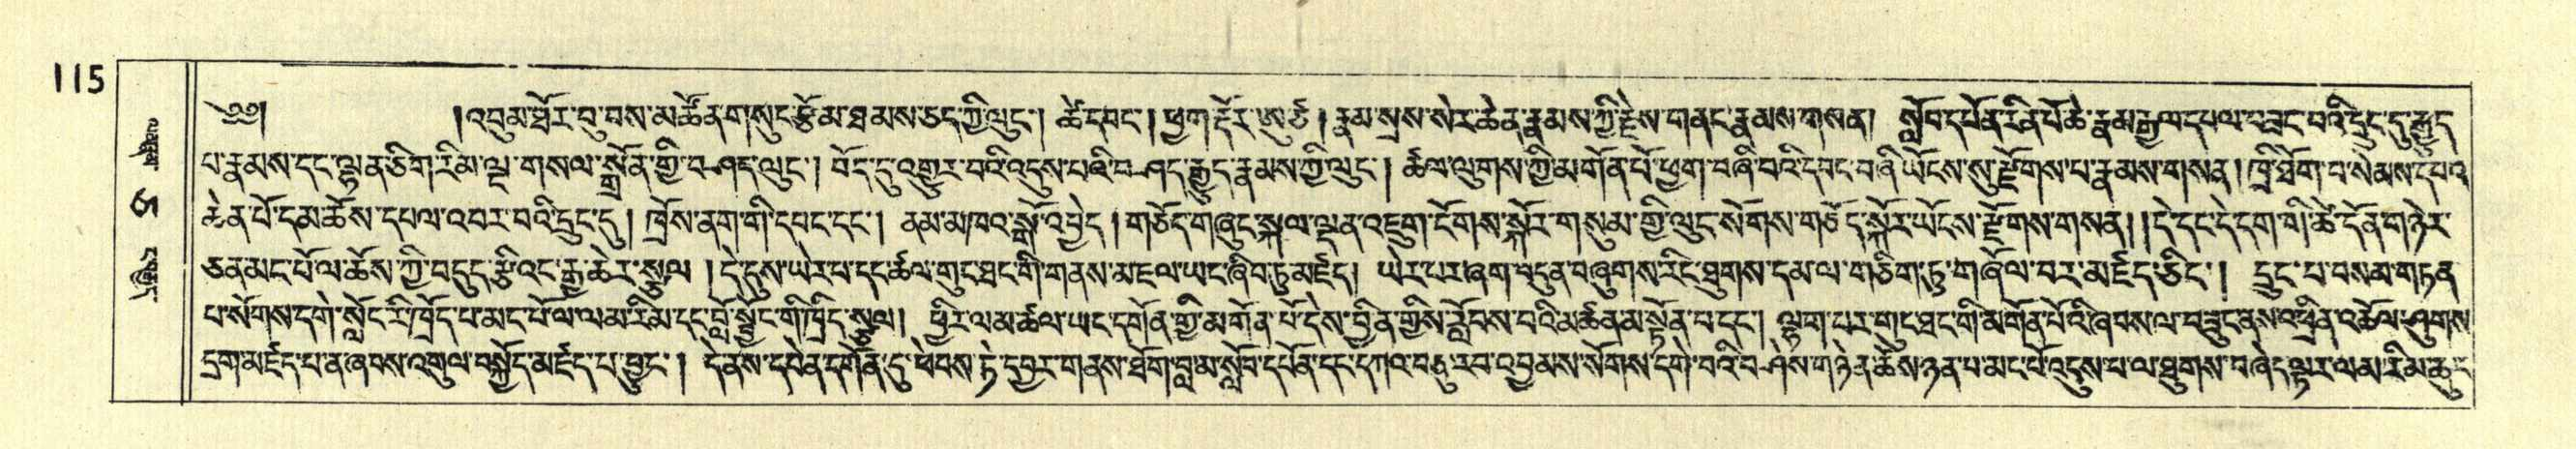༄༅། །འབུམ་ཐོར་བུ་བས་མཚོན་གསུང་རྩོམ་ཐམས་ཅད་ཀྱི་ལུང་། ཚེ་དབང་། ཕྱག་རྡོར་ཨུ་ཙ། རྣམ་སྲས་སེར་ཆེན་རྣམས་ཀྱི་རྗེས་གནང་རྣམས་གསན། སློབ་དཔོན་རིན་པོ་ཆེ་རྣམ་རྒྱལ་དཔལ་བཟང་བའི་དྲུང་དུ་རྒྱུད་
པ་རྣམས་དང་ལྷན་ཅིག་རིམ་ལྔ་གསལ་སྒྲོན་གྱི་བཤད་ལུང་། བོད་དུ་འགྱུར་བའི་འདུས་པའི་བཤད་རྒྱུད་རྣམས་ཀྱི་ལུང་། ཚལ་ལུགས་ཀྱི་མགོན་པོ་ཕྱག་བཞི་བའི་དབང་བཞི་ཡོངས་སུ་རྫོགས་པ་རྣམས་གསན། ཁྲི་ཐོག་པ་སེམས་དཔའ་
ཆེན་པོ་དམ་ཆོས་དཔལ་འབར་བའི་དྲུང་དུ། ཁྲོས་ནག་གི་དབང་དང་། ནམ་མཁའ་སྒོ་འབྱེད། གཅོད་གཞུང་སྐལ་ལྡན་འཇུག་ངོགས་སྐོར་གསུམ་གྱི་ལུང་སོགས་གཅོད་སྐོར་ཡོངས་རྫོགས་གསན། །དེ་དང་དེ་དག་གི་ཚེ་དོན་གཉེར་
ཅན་མང་པོ་ལ་ཆོས་ཀྱི་བདུད་རྩིའང་རྒྱ་ཆེར་སྩལ་།དེ་དུས་ཡེར་པ་དང་ཚལ་གུང་ཐང་གི་གནས་མཇལ་ཡང་ཞིབ་ཏུ་མཛད། ཡེར་པར་ཞག་བདུན་བཞུགས་རིང་ཐུགས་དམ་ལ་གཅིག་ཏུ་གཞོལ་བར་མཛད་ཅིང་། དྲུང་པ་བསམ་གཏན་
པ་སོགས་དགེ་སློང་རི་ཁྲོད་པ་མང་པོ་ལ་ལམ་རིམ་དང་བློ་སྦྱོང་གི་ཁྲིད་སྩལ། ཕྱིར་ལམ་ཚལ་ཡང་དགོན་གྱི་མགོན་པོ་དེས་བྱིན་གྱིས་རློབས་བའི་མཚན་མ་སྟོན་པ་དང་། ལྷག་པར་གུང་ཐང་གི་མགོན་པོའི་ཞབས་ལ་བཟུང་ནས་འཕྲིན་འཆོལ་ཤུགས་
དྲག་མཛད་པ་ན་ཞབས་འགུལ་བསྐྱོད་མཛད་པ་བྱུང་། དེ་ནས་དབེན་དགོན་དུ་ཕེབས་ཏེ་དབྱར་གནས་ཐོག་བླ་མ་སློབ་དཔོན་དང་དཀའ་བཅུ་རབ་འབྱམས་སོགས་དགེ་བའི་བཤེས་གཉེན་ཆོས་ཉན་པ་མང་པོ་འདུས་པ་ལ་ཐུགས་བཞེད་ལྟར་ལམ་རིམ་ཆུང་